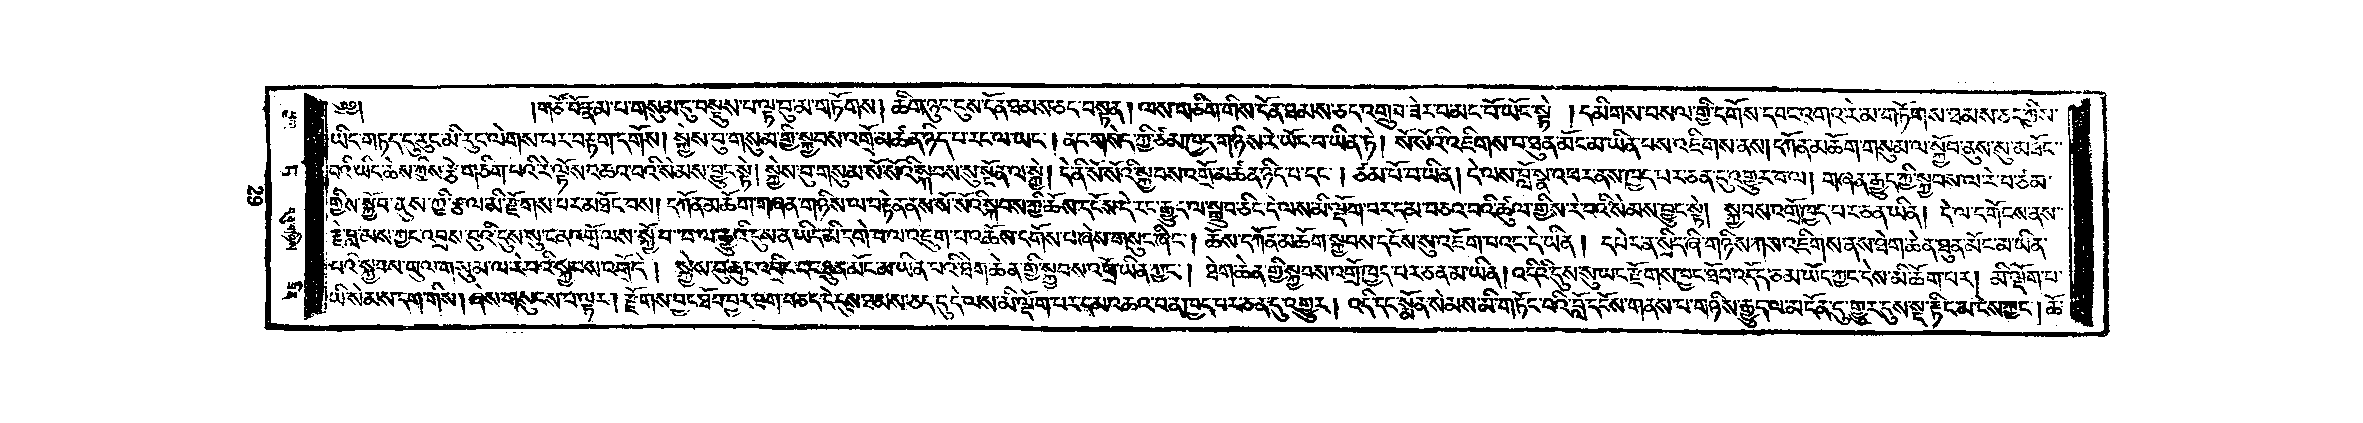༄༅། །གཙོ་བོ་རྣམ་པ་གསུམ་དུ་བསྡུས་པ་ལྟ་བུ་མ་གཏོགས། ཚིག་ཉུང་ངུས་དོན་ཐམས་ཅད་བསྟན། ལས་གཅིག་གིས་དོན་ཐམས་ཅད་འགྲུབ་ཟེར་བ་མང་པོ་ཡོང་སྟེ། དམིགས་བསལ་གྱི་དགོས་དབང་འགའ་རེ་མ་གཏོགས་ཐམས་ཅད་ཀྱིས་
ཡིད་གཏད་དུ་རུང་མི་རུང་ལེགས་པར་བརྟག་དགོས། སྐྱེས་བུ་གསུམ་གྱི་སྐྱབས་འགྲོ་མཚན་ཉིད་པ་རང་ལ་ཡང་། ནང་གསེད་ཀྱི་ཙམ་ཁྱད་གཉིས་རེ་ཡོང་བ་ཡིན་ཏེ། སོ་སོའི་འཇིགས་པ་ཐུན་མོང་མ་ཡིན་པས་འཇིགས་ནས། དཀོན་མཆོག་གསུམ་ལ་སྐྱོབ་ནུས་སུ་མཐོང་
བའི་ཡིད་ཆེས་ཀྱིས་རྩེ་གཅིག་པའི་རེ་ལྟོས་འཆའ་བའི་སེམས་བྱུང་སྟེ། སྐྱེས་བུ་གསུམ་སོ་སོའི་སྐབས་སུ་སྔོན་ལ་སྐྱེ། དེ་ནི་སོ་སོའི་སྐྱབས་འགྲོ་མཚན་ཉིད་པ་དང་། ཙམ་པོ་བ་ཡིན། དེ་ལས་བློ་སྣ་འཕར་ནས་ཁྱད་པར་ཅན་དུ་འགྱུར་བ་ལ། གཞན་རྒྱུད་ཀྱི་སྐྱབས་ལ་རེ་བ་ཙམ་
གྱིས་སྐྱོབ་ནུས་ཀྱི་རྩལ་མི་རྫོགས་པར་མཐོང་བས། དཀོན་མཆོག་གཞན་གཉིས་ལ་བརྟེན་ནས་སོ་སོའི་སྐབས་ཀྱི་ཆོས་དངོས་དེ་རང་རྒྱུད་ལ་སྒྲུབ་ཅིང་དེ་ལས་མི་ལྡོག་པར་དམ་བཅའ་བའི་ཚུལ་གྱིས་རེ་བའི་སེམས་བྱུང་སྟེ། སྐྱབས་འགྲོ་ཁྱད་པར་ཅན་ཡིན། དེ་ལ་དགོངས་ནས་
རྗེ་བླ་མས་ཀྱང་འབྲས་བུའི་དུས་སུ་ངན་འགྲོ་ལས་སྐྱོབ་པ་ལ་རྒྱུའི་དུས་ན་ཡིད་མི་དགེ་བ་ལ་འཇུག་པ་འཆོས་དགོས་པ་ཞེས་གསུངས་ཞིང་། ཆོས་དཀོན་མཆོག་སྐྱབས་དངོས་སུ་འཇོག་པའང་དེ་ཡིན། དཔེར་ན་སྲིད་ཞི་གཉིས་ཀས་འཇིགས་ནས་ཐེག་ཆེན་ཐུན་མོང་མ་ཡིན་
པའི་སྐྱབས་ཡུལ་གསུམ་ལ་རེ་བའི་སྐྱབས་འགྲོ་དེ། སྐྱེས་བུ་ཆུང་འབྲིང་དང་ཐུན་མོང་མ་ཡིན་པའི་ཐེག་ཆེན་གྱི་སྐྱབས་འགྲོ་ཡིན་ཀྱང་། ཐེག་ཆེན་གྱི་སྐྱབས་འགྲོ་ཁྱད་པར་ཅན་མ་ཡིན། འདིའི་དུས་སུ་ཡང་རྫོགས་བྱང་ཐོབ་འདོད་ཅམ་ཡོད་ཀྱང་དེས་མི་ཆོག་པར། མི་ལྡོག་པ་
ཡི་སེམས་དག་གིས། ཞེས་གསུངས་པ་ལྟར། རྫོགས་བྱང་ཐོབ་བྱར་ཐག་བཅད་དེ་དུས་ཐམས་ཅད་དུ་དེ་ལས་མི་ལྡོག་པར་དམ་འཆའ་བ་ན་ཁྱད་པར་ཅན་དུ་འགྱུར། འདི་དང་སྨོན་སེམས་མི་གཏོང་བའི་བློ་དངོས་གནས་པ་གཉིས་རྒྱུད་ལ་མངོན་དུ་གྱུར་དུས་སྡ་རྟིང་མ་ངེས་ཀྱང་། ཆོ་